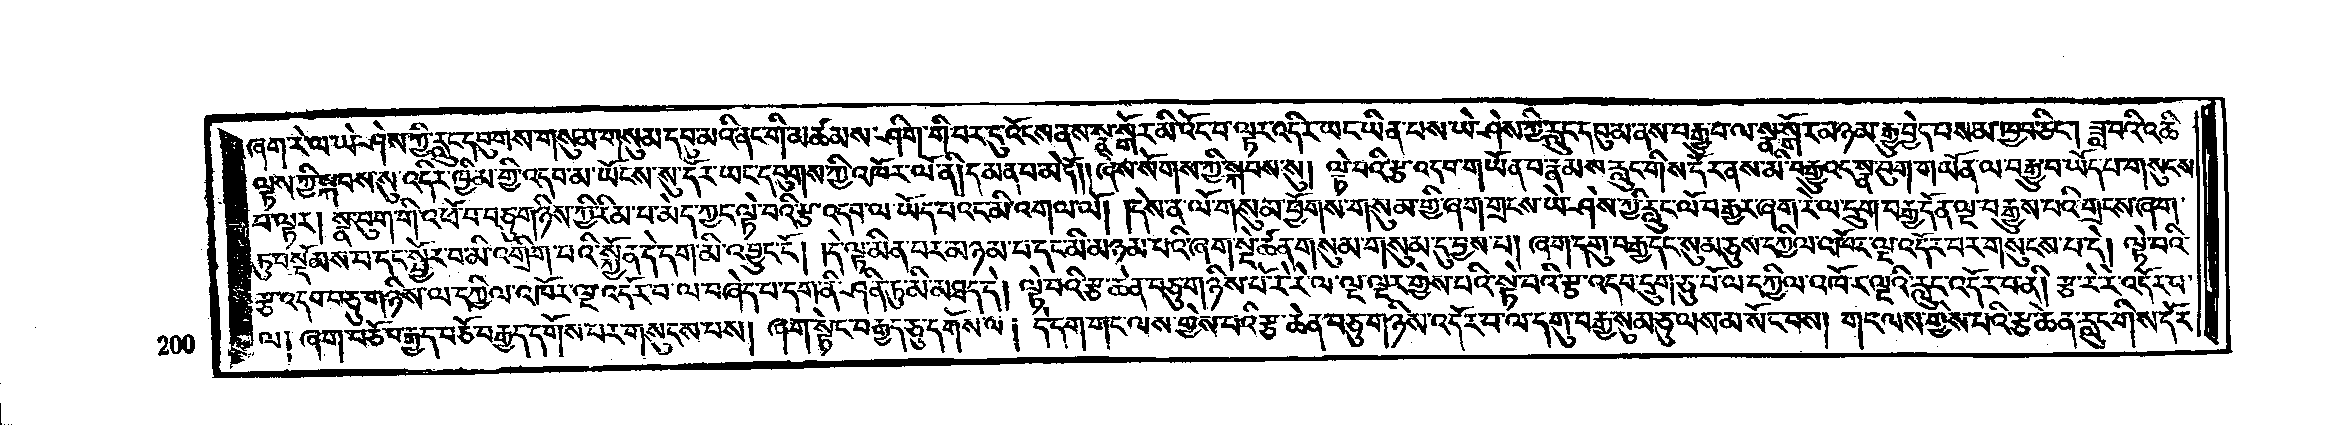ཞག་རེ་ལ་ཡེ་ཤེས་ཀྱི་རླུང་དབུགས་གསུམ་གསུམ་དབུ་མའི་ནང་གི་མཚམས་ཤིག་གི་བར་དུ་འོངས་ནས་སྣ་སྒོར་མི་འོང་བ་ལྟར་འདིར་ཡང་ཡིན་པས་ཡེ་ཤེས་ཀྱི་རླུང་དབུ་མ་ནས་བརྒྱུ་བ་ལ་སྣ་སྒོར་མཉམ་རྒྱུ་བྱེད་པས་མ་ཁྱབ་ཅིང་། ཟླ་བའི་འཆི་
ལྟས་ཀྱི་སྐབས་སུ་འདིར་ཁྱིམ་གྱི་འདབ་མ་ཡོངས་སུ་དོར་ཡང་དབུགས་ཀྱི་འཁོར་ལོ་ནི། དམན་པ་མེད་དོ། །ཞེས་སོགས་ཀྱི་སྐབས་སུ། ལྟེ་བའི་རྩ་འདབ་གཡོན་པ་རྣམས་རླུང་གིས་དོར་ནས་མི་བརྒྱུའང་སྣ་བུག་གཡོན་ལ་བརྒྱུ་བ་ཡོད་པ་གསུངས་
པ་ལྟར། སྣ་བུག་གི་འཕོ་བ་བཅུ་གཉིས་ཀྱི་རིམ་པ་མེད་ཀྱང་ལྟེ་བའི་རྩ་འདབ་ལ་ཡོད་པའང་མི་འགལ་ལོ། །དེས་ན་ལོ་གསུམ་ཕྱོགས་གསུམ་གྱི་ཞག་གྲངས་ཡེ་ཤེས་ཀྱི་རླུང་ལོ་བརྒྱར་ཞག་རེ་ལ་དྲུག་བརྒྱ་དོན་ལྔ་བརྒྱུས་པའི་གྲངས་ཞག་
ཏུ་བསྡོམས་པ་དང་སྦྱོར་བ་མི་འགྲིགས་པའི་སྐྱོན་དེ་དག་མི་འབྱུང་ངོ། །དེ་ལྟ་མིན་པར་མཉམ་པ་དང་མི་མཉམ་པའི་ཞག་སྡེ་ཚན་གསུམ་གསུམ་དུ་བྱས་པ། ཞག་དགུ་བརྒྱ་དང་སུམ་ཅུས་དཀྱིལ་འཁོར་ལྔ་འདོར་བར་གསུངས་པ་དེ། ལྟེ་བའི་
རྩ་འདབ་བཅུ་གཉིས་ལ་དཀྱིལ་འཁོར་ལྔ་འདོར་བ་ལ་བཞེད་པ་དག་ནི་ཤིན་ཏུ་མི་མཐད་དེ། ལྟེ་བའི་རྩ་ཆེན་བཅུ་གཉིས་པོ་རེ་རེ་ལ་ལྔ་ལྔར་གྱེས་པའི་སྟེ་བའི་རྩ་འདབ་དྲུག་ཅུ་པོ་ལ་དཀྱིལ་འཁོར་ལྔའི་རླུང་འདོར་བ་ནི། རྩ་རེ་རེ་འདོར་བ་
ལ། ཞག་བཅོ་བརྒྱད་བཅོ་བརྒྱད་དགོས་པར་གསུངས་པས། ཞག་སྟེང་བརྒྱད་ཅུ་དགོས་ལ། དེ་དག་གང་ལས་གྱེས་པའི་རྩ་ཆེན་བཅུ་གཉིས་འདོར་བ་ལ་དགུ་བརྒྱ་སུམ་ཅུ་ལས་མ་སོང་བས། གང་ལས་གྱེས་པའི་རྩ་ཆེན་རླུང་གིས་དོར་